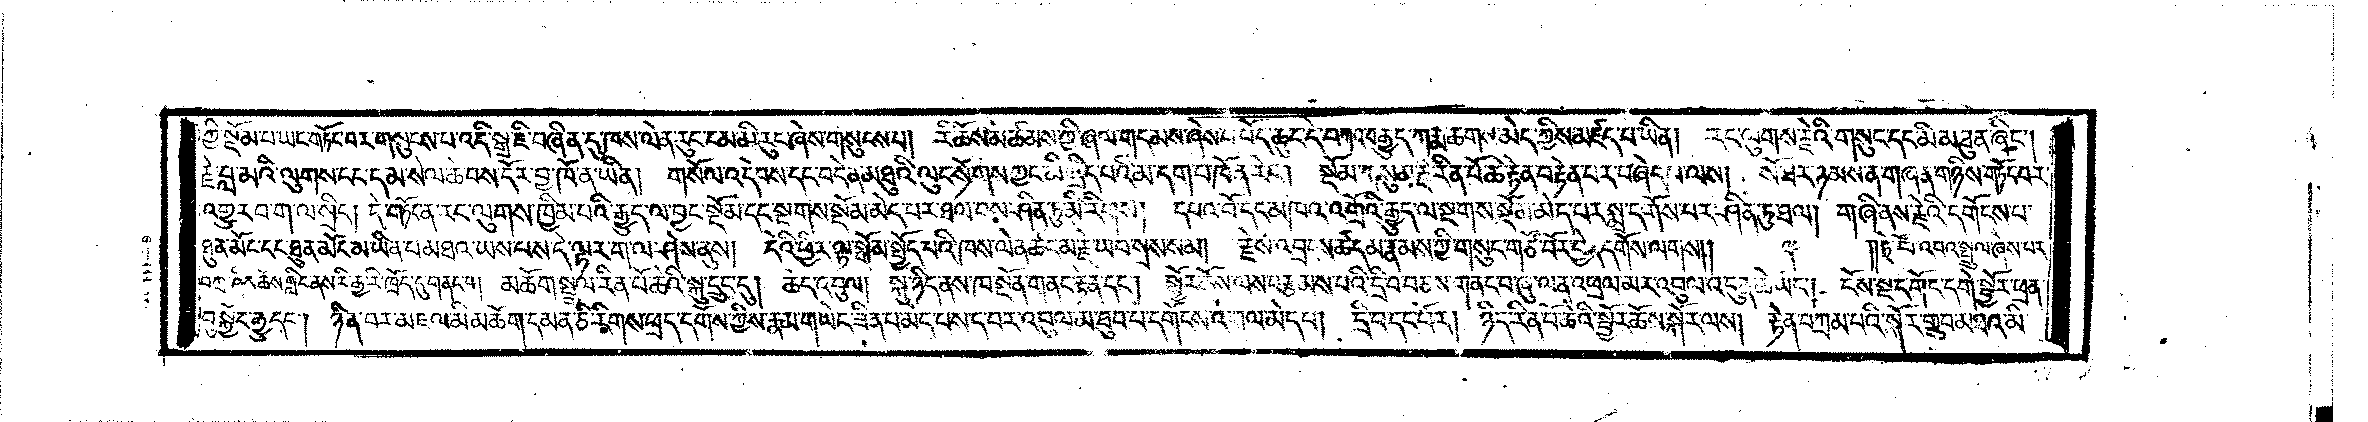ཀྱི་སྡོམ་པ་ཡང་གཏོང་བར་གསུངས་པ་འདི་སྒྲ་ཇི་བཞིན་དུ་ཁས་ལེན་རུང་ངམ་མི་རུང་ཞེས་གསུངས་པ། རི་ཆོས་མཚམས་ཀྱི་ཞལ་གདམས་ཞེས་པ་པོད་ཆུང་དེ་བཀའ་བརྒྱུད་ཀརྨ་ཆགས་མེད་ཀྱིས་མཛད་པ་ཡིན། རང་ལུགས་རྗེའི་གསུང་དང་མི་མཐུན་ཞིང་།
རྗེ་བླ་མའི་ལུགས་དང་དམ་སེལ་ཆེ་བས་དོར་བྱ་ཁོ་ན་ཡིན། གསོལ་འདེབས་དང་བདེན་མཐུའི་ལུང་སོགས་ཀྱང་མི་སྲིད་པའི་མ་དག་པ་ཁོ་ན་རེད། སྡོམ་གསུམ་རྗེ་རིན་པོ་ཆེ་རྟེན་བརྟེན་པར་བཞེད་པ་ལས། སོ་ཐར་ཉམས་ན་གཞན་གཉིས་གཏོང་བར་
འགྱུར་བ་གལ་སྲིང་། དེ་གཏོང་ན་རང་ལུགས་ཁྱིམ་པའི་རྒྱུད་ལ་བྱང་སྡོམ་དང་སྔགས་སྡོམ་མེད་པར་ཐལ་བས་ཤིན་ཏུ་མི་རིགས། དཔའ་བོ་དང་མཁའ་འགྲོའི་རྒྱུད་ལ་སྔགས་སྡོམ་མེད་པར་སྨྲ་དགོས་པར་ཤིན་ཏུ་ཐལ། གཞི་ནས་རྗེའི་དགོངས་པ་
ཐུན་མོང་དང་ཐུན་མོང་མ་ཡིན་པ་མཐའ་ཡས་པས་དེ་ལྟར་ག་ལ་ཤེས་ནུས། དེའི་ཕྱིར་ལྟ་སྒོམ་སྤྱོད་པའི་ཁས་ལེན་ཚང་མ་རྗེས་ཡབ་སྲས་སམ། རྗེས་འབྲངས་ཚད་མ་རྣམས་ཀྱི་གསུང་གཙོ་བོར་བྱེད་དགོས་ལགས།། ༈ །།ཏྲེ་པོ་འབའ་སྤྲུལ་ཞེས་པར་
བཀྲ་ཤིས་ཆོས་གླིང་ནས་རི་རྒྱ་རི་ཁྲོད་དུ་གནང་བ། མཆོག་སྤྲུལ་རིན་པོ་ཆེའི་སྐུ་དྲུང་དུ། ཆེད་འབུལ། སྐུ་ཉིད་ནས་ཁ་སྔོན་གནང་རྟེན་དང་། སྦྱོར་ཆོས་ལས་བརྩམས་པའི་དྲི་བ་བཅས་གནང་བ་ཞུ་ལན་འཕྲལ་མར་འབུལ་འདུན་ཆེ་ཡང་། ངོས་སྡང་གོང་དགེ་སྦྱོར་ཕྲན་
བུ་སྐྱོང་རྒྱུ་དང་། ཉིན་བར་མཇལ་མི་མཆོག་དམན་ཅི་རིགས་ཕྲད་དགོས་ཀྱིས་རྣམ་གཡེང་ཟིན་པ་མེད་པས་དབར་འབུལ་མ་ཐུབ་པ་དགོངས་འགལ་མེད་པ། དྲི་བ་དང་པོར། ཉིད་རིན་པོ་ཆེའི་སྦྱོར་ཆོས་སྐོར་ལས། རྟེན་བཀྲམ་པའི་སྐོར་གྲུབ་མཐའ་མི་